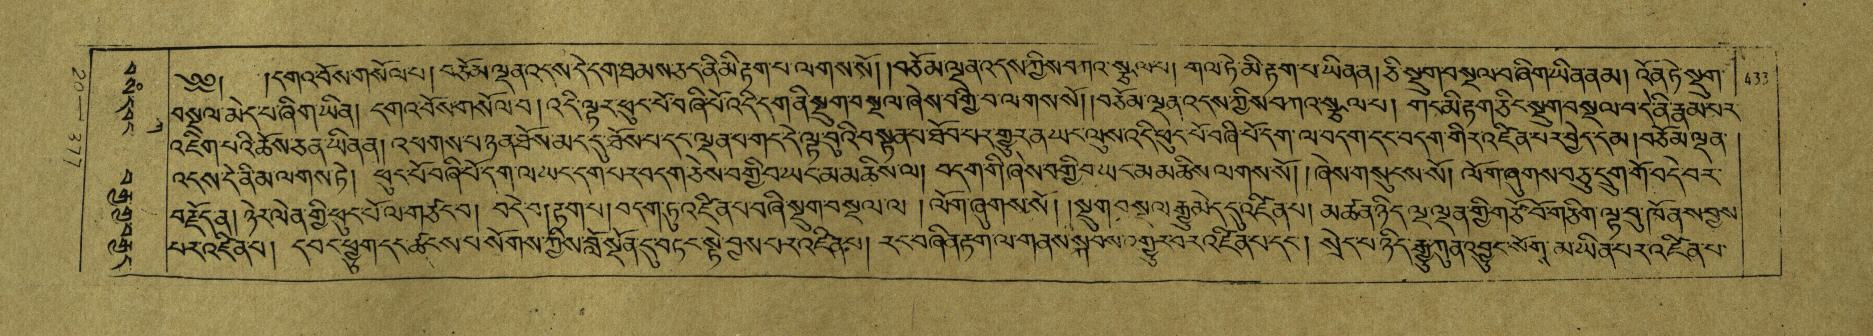༄༅། །དགའ་བོས་གསོལ་པ། བཅོམ་ལྡན་འདས་དེ་དག་ཐམས་ཅད་ནི་མི་རག་པ་ལགས་སོ། །བཅོམ་ལྡན་འདས་ཀྱིས་བཀའ་སྩལ་པ། གལ་ཏེ་མི་རྟག་པ་ཡིན་ན། ཅི་སྡུག་བསྔལ་བ་ཞིག་ཡིན་ནམ། འོན་ཏེ་སྡུག་
བསྔལ་མེད་པ་ཞིག་ཡིན། དགའ་བོས་གསོལ་བ། འདི་ལྟར་ཕུང་པོ་བཞི་པོ་འདི་དག་ནི་སྡུག་བསྔལ་ཞེས་བགྱི་བ་ལགས་སོ། །བཅོམ་ལྡན་འདས་ཀྱིས་བཀའ་སྩལ་པ། གང་མི་རྟག་ཅིང་སྡུག་བསྔལ་བ་དེ་ནི་རྣམ་པར་
འཇིག་པའི་ཆོས་ཅན་ཡིན་ན། འཕགས་པ་ཉན་ཐོས་མང་དུ་ཐོས་པ་དང་ལྡན་པ་གང་དེ་ལྟ་བུའི་བསྟན་པ་ཐོབ་པར་གྱུར་ན་ཡང་ལུས་འདི་ཕུང་པོ་བཞི་པོ་དག་ལ་བདག་དང་བདག་གིར་འཛིན་པར་བྱེད་དམ། བཅོམ་ལྡན་
འདས་དེ་ནི་མ་ལགས་ཏེ། ཕུང་པོ་བཞི་པོ་དག་ལ་ཡང་དག་པར་བདག་ཅེས་བགྱི་བ་ཡང་མ་མཆིས་ལ། བདག་གི་ཞེས་བགྱི་བ་ཡང་མ་མཆིས་ལགས་སོ། །ཞེས་གསུངས་སོ། ལོག་ཞུགས་བཅུ་དྲུག་གོ་བདེ་བར་
བརྗོད་ན། ཉེར་ལེན་གྱི་ཕུང་པོ་ལ་གཙང་བ། བདེ་བ། རྟག་པ། བདག་ཏུ་འཛིན་པ་བཞི་སྡུག་བསྔལ་ལ་།ལོག་ཞུགས་སོ། །སྡུག་བསྔལ་རྒྱུ་མེད་དུ་འཛིན་པ། མཚན་ཉིད་ལྔ་ལྡན་གྱི་གཙོ་བོ་གཅིག་ལྟ་བུ་ཁོ་ནས་བྱས་
པར་འཛིན་པ། དབང་ཕྱུག་དང་ཚངས་པ་སོགས་ཀྱིས་བློ་སྔོན་དུ་བཏང་སྟེ་བྱས་པར་འཛིན་པ། རང་བཞིན་རྟག་ལ་གནས་སྐབས་འགྱུར་བར་འཛིན་པ་དང་། སྲེད་པ་ཉིད་རྒྱུ་ཀུན་འབྱུང་སོགས་མ་ཡིན་པར་འཛིན་པ་